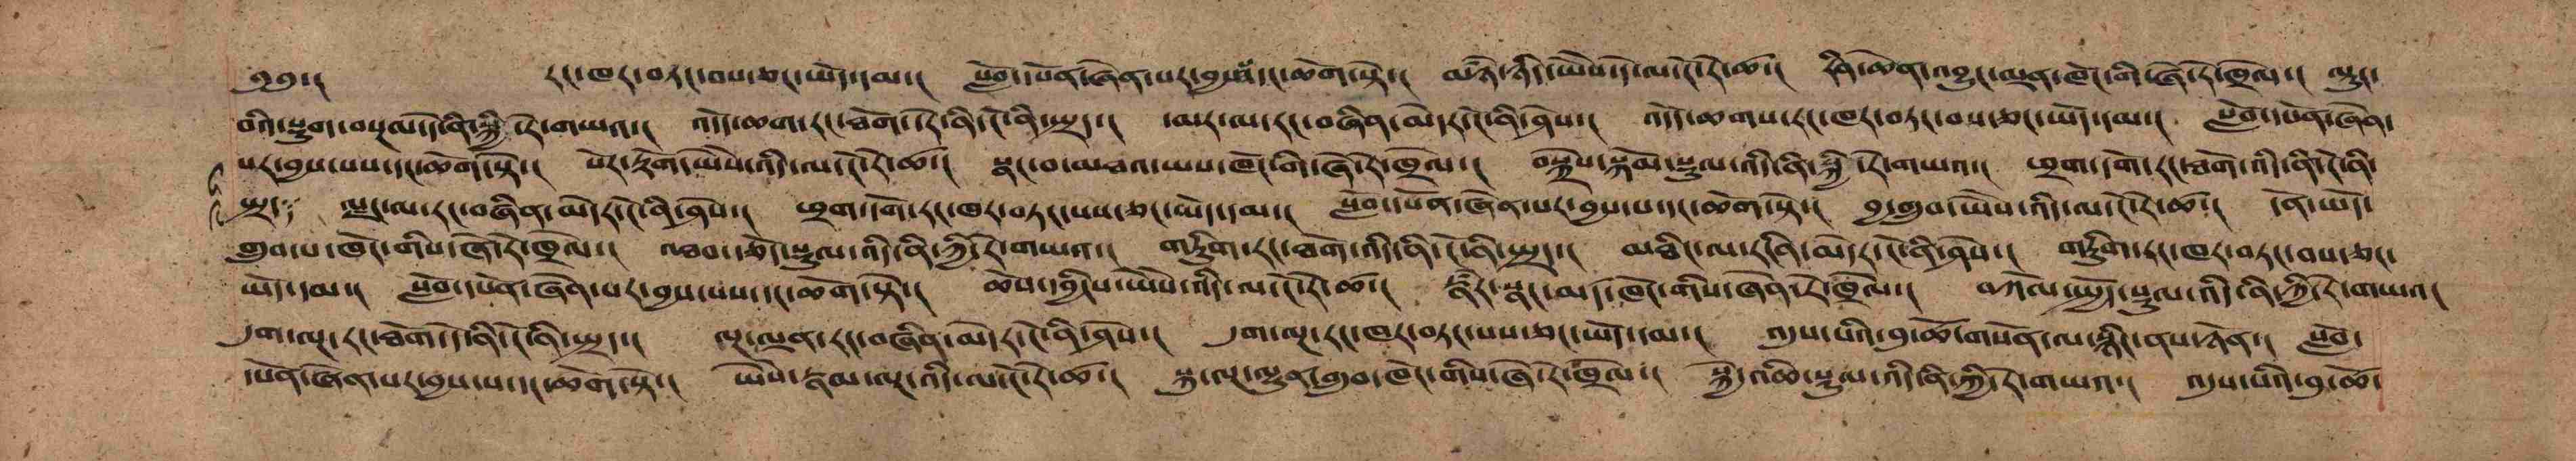རང་ཁར་བཏང་བས་ཅང་ཡོད་དམ།། སློབ་དཔོན་ཞེན་པར་བྱས་པ་དང་ཆོག་སྟེ།། མཉམ་ཉིད་ཡེ་ཤེས་དེ་ལ་ངོ་རེ་ཚ།། རིན་ཆེན་འབྱུང་ལྡན་ཁོང་གི་ཞེ་རེ་ཁྲེལ།། ལྟུང་
བའི་སྡུག་བསྔལ་དེ་ནི་སྐྱི་རེ་གཡའ།། འདོད་ཆགས་རང་ཐོག་དེ་ནི་ངོ་ནི་སྤྲད།། དམར་ལ་རང་བཞིན་མེད་པར་ངོ་ནི་ཤེས།། འདོད་ཆགས་རང་ཁར་བཏང་བས་ཅང་ཡོད་དམ།། སློབ་དཔོན་ཞེན་
པར་བྱས་པས་དང་ཆོག་སྟེ།། སོར་རྟོག་ཡེ་ཤེས་འདི་ལ་ངོ་རེ་ཚ།། སྣང་བ་མཐའ་ཡས་ཁོང་གི་ཞེ་རེ་ཁྲེལ།། བསྐྲེས་སྐོམ་སྡུག་བསྔལ་འདི་ནི་སྐྱི་རེ་གཡའ།། ཕྲག་དོག་རང་ཐོག་འདི་ནི་ངོ་ནི་
སྤྲད།། ལྗང་ལ་རང་བཞིན་མེད་པར་ངོ་ནི་ཤེས།། ཕྲག་དོག་རང་ཁར་བཏང་པས་ཅང་ཡོད་དམ།། སློབ་དཔོན་ཞེན་པར་བྱས་པ་དང་ཆོག་སྟེ།། བྱ་གྲུབ་ཡེ་ཤེས་འདི་ལ་ངོ་རེ་ཚ།། དོན་ཡོད་
གྲུབ་པ་ཁོང་གིས་ཞེ་རེ་ཁྲེལ།། འཐབ་རྩོད་སྡུག་བསྔལ་འདི་ནི་སྐྱི་རེ་གཡའ།། གཏི་མུག་རང་ཐོག་འདི་ནི་ངོ་ནི་སྤྲད།། མཐིང་ལ་རང་བཞིན་མེད་པར་ངོ་ནི་ཤེས།། གཏི་མུག་རང་ཁར་བཏང་བས་ཅང་
ཡོད་དམ།། སློབ་དཔོན་ཞེན་པར་བྱས་པས་དང་ཆོག་སྟེ།། ཆོས་དབྱིངས་ཡེ་ཤེས་འདི་ལ་ངོ་རེ་ཚ།། རྣམ་པར་སྣང་མཛད་ཁོང་གིས་ཞེ་རེ་ཁྲེལ།། བཀོལ་སྤྱོད་སྡུག་བསྔལ་འདི་ནི་སྐྱི་རེ་གཡའ།། 
དུག་ལྔ་རང་ཐོག་དེ་ནི་ངོ་ནི་སྤྲད།། ལྔ་ལྡན་རང་བཞིན་མེད་པར་ངོ་ནི་ཤེས།། དུག་ལྔ་རང་ཁར་བཏང་པས་ཅང་ཡོད་དམ།། འདུས་པའི་བ་ཚོ་གསོན་ལ་སྙིང་ནས་ཉོན།། སློབ་
དཔོན་ཞེན་པར་བྱས་པ་དང་ཆོག་སྟེ།། ཡེ་ཤེས་རྣམ་ལྔ་འདི་ལ་ངོ་རེ་ཚ།། སྐུ་ལྔ་ལྷུན་གྲུབ་ཁོང་གིས་ཞེ་རེ་ཁྲེལ།། སྐྱེ་འཆི་སྡུག་བསྔལ་འདི་ནི་སྐྱི་རེ་གཡའ།། འདུས་པའི་བུ་ཚོ་